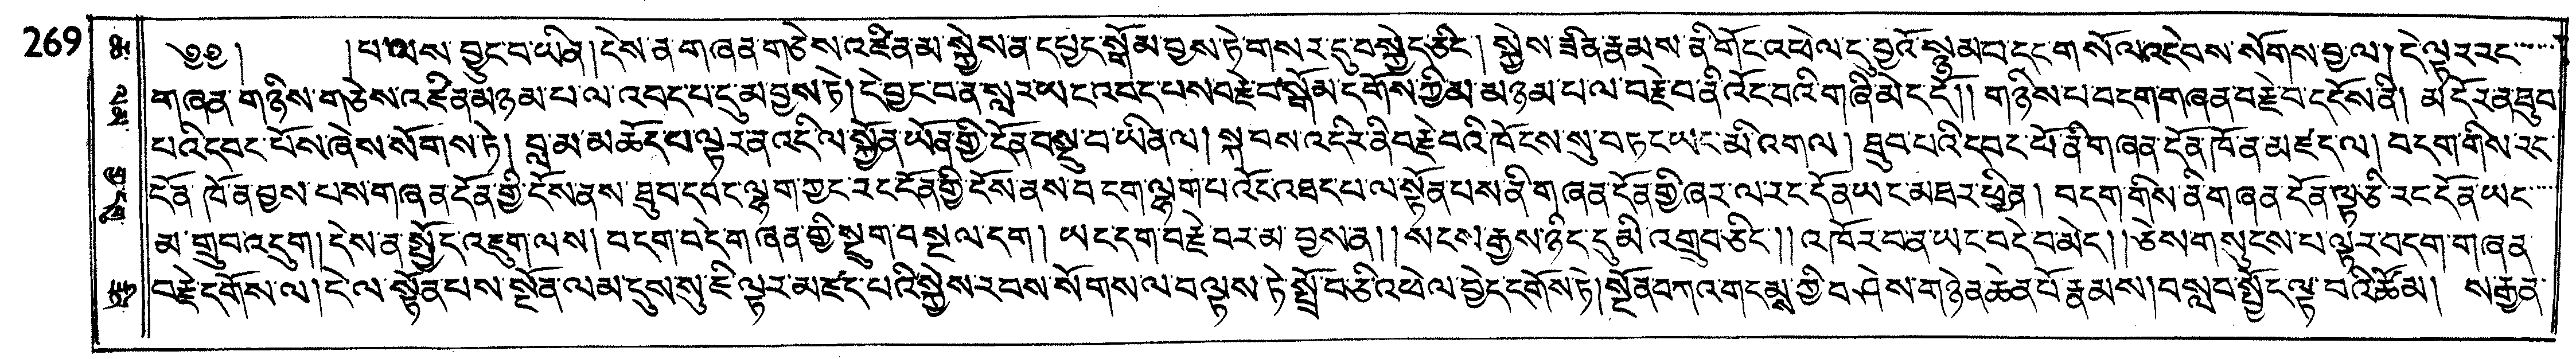༄༅། །པ་ལས་བྱུང་བ་ཡིན། དེས་ན་གཞན་གཅེས་འཛིན་མ་སྐྱེས་ན་དཔྱད་སྒོམ་བྱས་ཏེ་གསར་དུ་བསྐྱེད་ཅིང་། སྐྱེས་ཟིན་རྣམས་ནི་གོང་འཕེལ་དུ་བྱའོ་སྙམ་པ་དང་གསོལ་འདེབས་སོགས་བྱ་ལ། དེ་ལྟར་རང་
གཞན་གཉིས་གཅེས་འཛིན་མཉམ་པ་ལ་འབད་པ་དུ་མ་བྱས་ཏེ། དེ་བྱང་བ་ན་སླར་ཡང་འབད་པས་བརྗེ་བསྒོམ་དགོས་ཀྱི་མ་མཉམ་པ་ལ་བརྗེ་བ་ནི་འོང་བའི་གཞི་མེད་དོ། །གཉིས་པ་བདག་གཞན་བརྗེ་བ་དངོས་ནི། མདོར་ན་ཐུབ་
པའི་དབང་པོས་ཞེས་སོགས་ཏེ། བླ་མ་མཆོད་པ་ལྟར་ན་འདི་ལ་སྐྱོན་ཡོན་གྱི་དོན་བསྡུ་བ་ཡིན་ལ། སྐབས་འདིར་ནི་བརྗེ་བའི་ཁོངས་སུ་བཏང་ཡང་མི་འགལ། ཐུབ་པའི་དབང་པོ་ནི་གཞན་དོན་ཁོ་ན་མཛད་ལ། བདག་གིས་རང་
དོན་ཁོ་ན་བྱས་པས་གཞན་དོན་གྱི་ངོས་ནས་ཐུབ་དབང་ལྷག་ཀྱང་རང་དོན་གྱི་ངོས་ནས་བདག་ལྷག་པ་འོང་འཐད་པ་ལ་སྟོན་པས་ནི་གཞན་དོན་གྱི་ཞར་ལ་རང་དོན་ཡང་མཐར་ཕྱིན། བདག་གིས་ནི་གཞན་དོན་ལྟ་ཅི་རང་དོན་ཡང་
མ་གྲུབ་འདུག། དེས་ན་སྤྱོད་འཇུག་ལས། བདག་བདེ་གཞན་གྱི་སྡུག་བསྔལ་དག། ཡང་དག་བརྗེ་བར་མ་བྱས་ན། །སངས་རྒྱས་ཉིད་དུ་མི་འགྲུབ་ཅིང་། །འཁོར་བ་ན་ཡང་བདེ་བ་མེད། །ཅེས་གསུངས་པ་ལྟར་བདག་གཞན་
བརྗེ་དགོས་ལ། དེ་ལ་སྟོན་པས་སྔོན་ལམ་དུས་སུ་ཇི་ལྟར་མཛད་པའི་སྐྱེས་རབས་སོགས་ལ་བལྟས་ཏེ་སྤྲོ་བ་ཅི་འཕེལ་བྱེད་དགོས་ཏེ། སྔོན་བཀའ་གདམས་ཀྱི་བཤེས་གཉེན་ཆེན་པོ་རྣམས། བསླབ་སྤྱོད་ལྟ་བའི་ཚོམ། ས་རྒྱན་